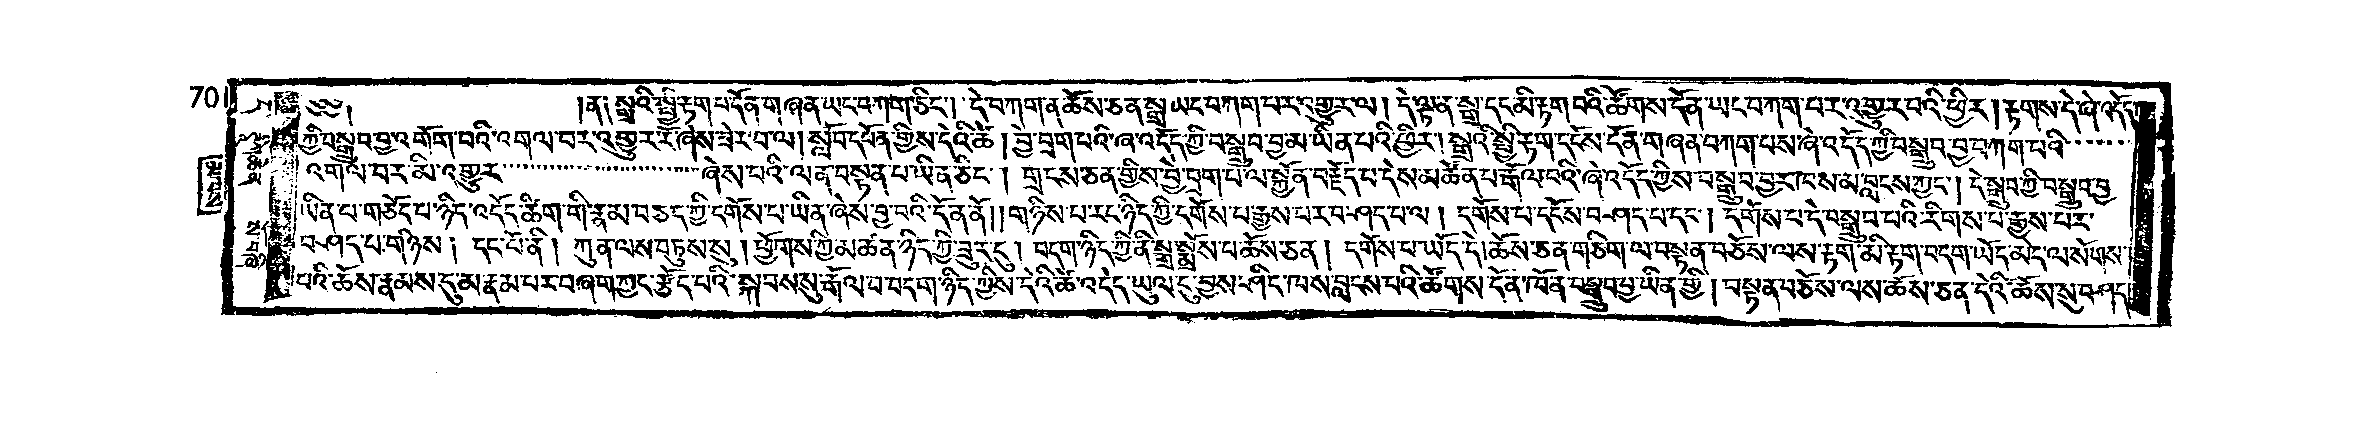༄༅། །ན། སྒྲའི་སྤྱི་རྟག་པ་དོན་གཞན་ཡང་བཀག་ཅིང་། དེ་བཀག་ན་ཆོས་ཅན་སྒྲ་ཡང་བཀག་པར་འགྱུར་ལ། དེ་ལྟ་ན་སྒྲ་དང་མི་རྟག་པའི་ཚོགས་དོན་ཡང་བཀག་པར་འགྱུར་བའི་ཕྱིར། རྟགས་དེ་ཞེ་འདོད་
ཀྱི་བསྒྲུབ་བྱ་འགོག་པའི་འགལ་བར་འགྱུར་རོ་ཞེས་ཟེར་བ་ལ། སློབ་དཔོན་གྱིས་དེའི་ཚེ། བྱེ་བྲག་པའི་ཞེ་འདོད་ཀྱི་བསྒྲུབ་བྱ་མ་ཡིན་པའི་ཕྱིར། སྒྲའི་སྤྱི་རྟག་དངོས་དོན་གཞན་བཀག་པས་ཞེ་འདོད་ཀྱི་བསྒྲུབ་བྱ་བཀག་པའི་
འགལ་བར་མི་འགྱུར་ཞེས་པའི་ལན་བསྟན་པ་ཡིན་ཅིང་། གྲངས་ཅན་གྱིས་བྱེ་བྲག་པ་ལ་སྐྱོན་བརྗོད་པ་དེས་མཚོན་པ་རྒོལ་བའི་ཞེ་འདོད་ཀྱིས་བསྒྲུབ་བྱར་ཁས་མ་བླངས་ཀྱང་། དེ་སྒྲུབ་ཀྱི་བསྒྲུབ་བྱ་
ཡིན་པ་གཅོད་པ་ཉིད་འདོད་ཚིག་གི་རྣམ་བཅད་ཀྱི་དགོས་པ་ཡིན་ཞེས་བྱ་བའི་དོན་ནོ། །གཉིས་པ་རང་ཉིད་ཀྱི་དགོས་པ་རྒྱས་པར་བཤད་པ་ལ། དགོས་པ་དངོས་བཤད་པ་དང་། དགོས་པ་དེ་བསྒྲུབ་པའི་རིགས་པ་རྒྱས་པར་
བཤད་པ་གཉིས། དང་པོ་ནི། ཀུན་ལས་བཏུས་སུ། ཕྱོགས་ཀྱི་མཚན་ཉིད་ཀྱི་ཟུར་དུ། བདག་ཉིད་ཀྱི་ནི་སྒྲ་སྨྲོས་པ་ཆོས་ཅན། དགོས་པ་ཡོད་དེ། ཆོས་ཅན་གཅིག་ལ་བསྟན་བཅོས་ལས་རྟག་མི་རྟག་བདག་ཡོད་མེད་ལ་སོགས་
པའི་ཆོས་རྣམས་དུ་མ་རྣམ་པར་བཞག་ཀྱང་རྩོད་པའི་སྐབས་སུ་རྒོལ་བ་བདག་ཉིད་ཀྱིས་དེའི་ཚེ་འདོད་ཡུལ་དུ་བྱས་ཤིང་ཁས་བླངས་པའི་ཚོགས་དོན་ཁོ་ན་བསྒྲུབ་བྱ་ཡིན་གྱི། བསྟན་བཅོས་ལས་ཆོས་ཅན་དེའི་ཆོས་སུ་བཤད་